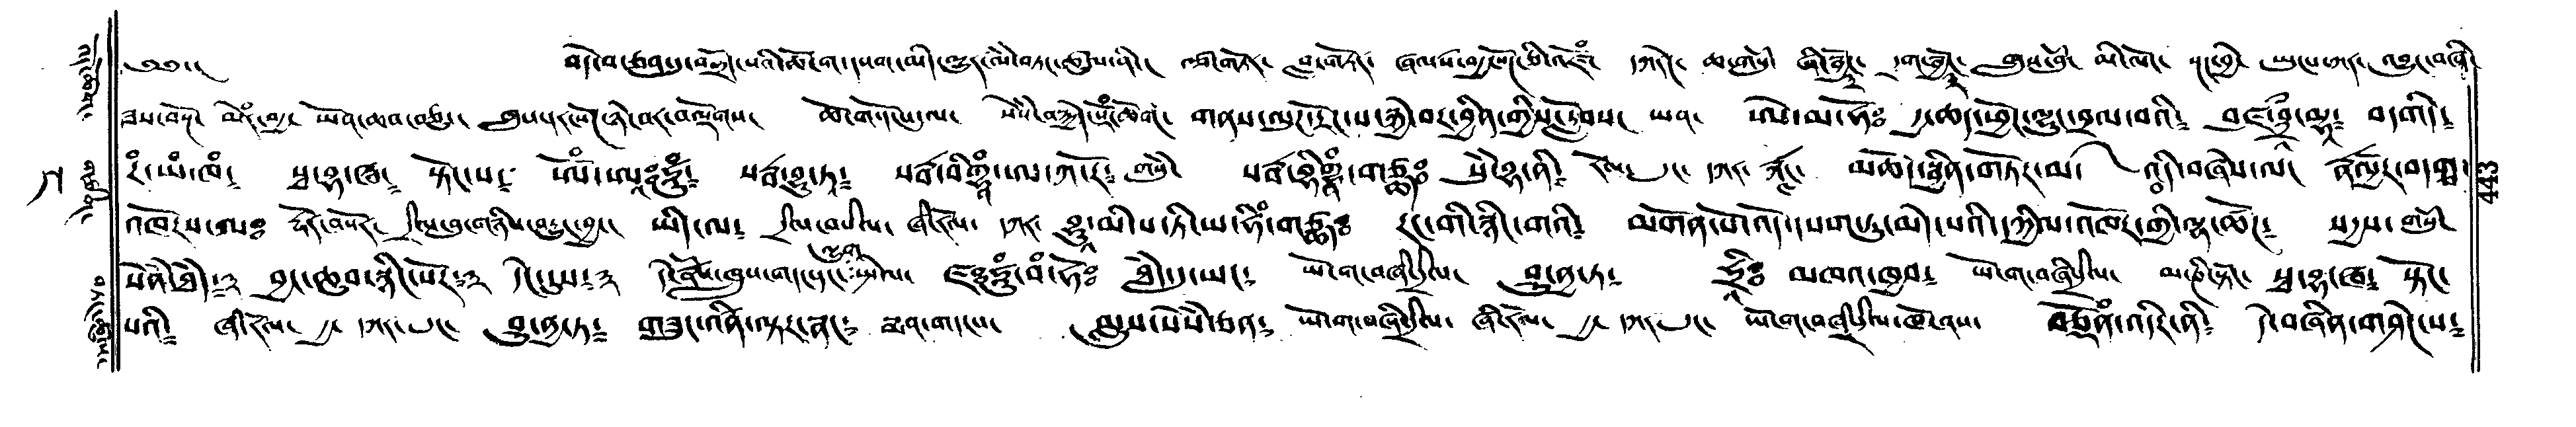༄༅། བདེ་བ་ཅན་དུ་བསྒྲོད་པའི་ཆོ་ག་དཔག་མེད་མྱུར་ལམ་གཏོང་ཚུལ་ནི། རྩ་གཏོར། བླ་གཏོར། ཞལ་ཟས་བརྒྱ་སོགས་ཅི་འཛོམས། དཀར་བགེགས། ཆ་གསུམ། ཞི་སྦྱོང་གསུམ། དྲག་སྦྱོང་གསུམ། ཁྲུས་བུམ། མེ་ལོང་། སྔགས་བྱེ། ཡུངས་དཀར། འབྱུང་བཞི། 
ཟས་བསྔོ། མར་མེ་བརྒྱ། ཡོན་ཆབ་བཅུ། ཁྲུས་དར་སོགས་ཉེ་བར་བསྡོག ཆོ་ག་དངོས་ལ། སེམས་སྐྱེད་སྡོམ་ཆོག གནས་ལུགས་པ་སྐྱེ་བར་བྱིན་གྱིས་རློབས། །ཡན། ཨེ་མ་ཧོ༔ རྒྱ་ཆད་ཕྱོགས་ལྷུང་བྲལ་བའི༴ བཛྲ་ཤྲཱྀ་མ་ཧཱ༴ བདག་གི༴ 
རཾ་ཡཾ་ཁཾཿ སྭ་བྷ་ཝ༴ སྟོང་པ༴ ཨོཾ་ཨཱཿཧཱུྃ༔ སརྦ་བྷུ་ཏཱ༴ སརྦ་བིགྷཱནཾ་ཨ་ཀ་རོ༴ གསུམ། སརྦ་བྷིགྷཱནཾ་གཙྪ། སུམ་བྷ་ནི༴ རོལ། དུང་། དཀར། རྐང་བཞི། མཆོད་སྦྱིན་གཏོར་མ་འདི་བཞེས་ལ། །རྣལ་འབྱོར་བདག་ཅག་
འཁོར་བཅས་ལ། རྡོར་གསོར། དྲིལ་བུ་གཉིས་རྡུང་བྱ། ཡིད་ལ༴ དྲིལ་བསིལ། ཞི་རོལ། དཀར། བྷཱུ་མི་པ་ཏི་ཡ་ཧི་གཙྪ། རང་གི་སྙིང་གའི༴ མགོན་པོ་དཔག་ཏུ་མེད་པའི་དཀྱིལ་འཁོར་གྱི་ལྷ་ཚོགས༴ སངས་རྒྱས༴ གསུམ། 
སེམས་ཅན་ཐམས་ཅད༴ གསུམ། བྱང་ཆུབ་སྙིང་པོར༴ གསུམ། དེ་རྣམས་ཁྲུས་གདངས་དང་ལྷུག་སྤེལ། ཛཿཧཱུྃ་བཾ་ཧོཿ ཐམས་ཅད་དུ་ཡང༴ ཡོ་ག་བཞི་དྲིལ། ཤཱུ་ནྱ་ཏ༴ ཧྲཱི༔ མཁའ་ཁྱབ༴ ཡོ་ག་བཞི་དྲིལ། མ་ཎི་སྟོང་། སྭ་བྷ་ཝ༴ སྟོང་
པའི༴ ཞི་རོལ། རྒྱ། དཀར། དུང་། ཤཱུ་ནྱ་ཏ༴ གཟུང་འཛིན་ལྟར་སྣང༴ སྨན་གདངས། མ་ལུས་སེམས་ཅན༴ ཡོ་ག་བཞི་དྲིལ། ཞི་རོལ། རྒྱ།དཀར། དུང་། ཡོ་ག་བཞི་དྲིལ་ཁོ་ནས། བཅོམ་ལྡན་འདིར་ནི༴ དེ་བཞིན་གཤེགས་པ༴